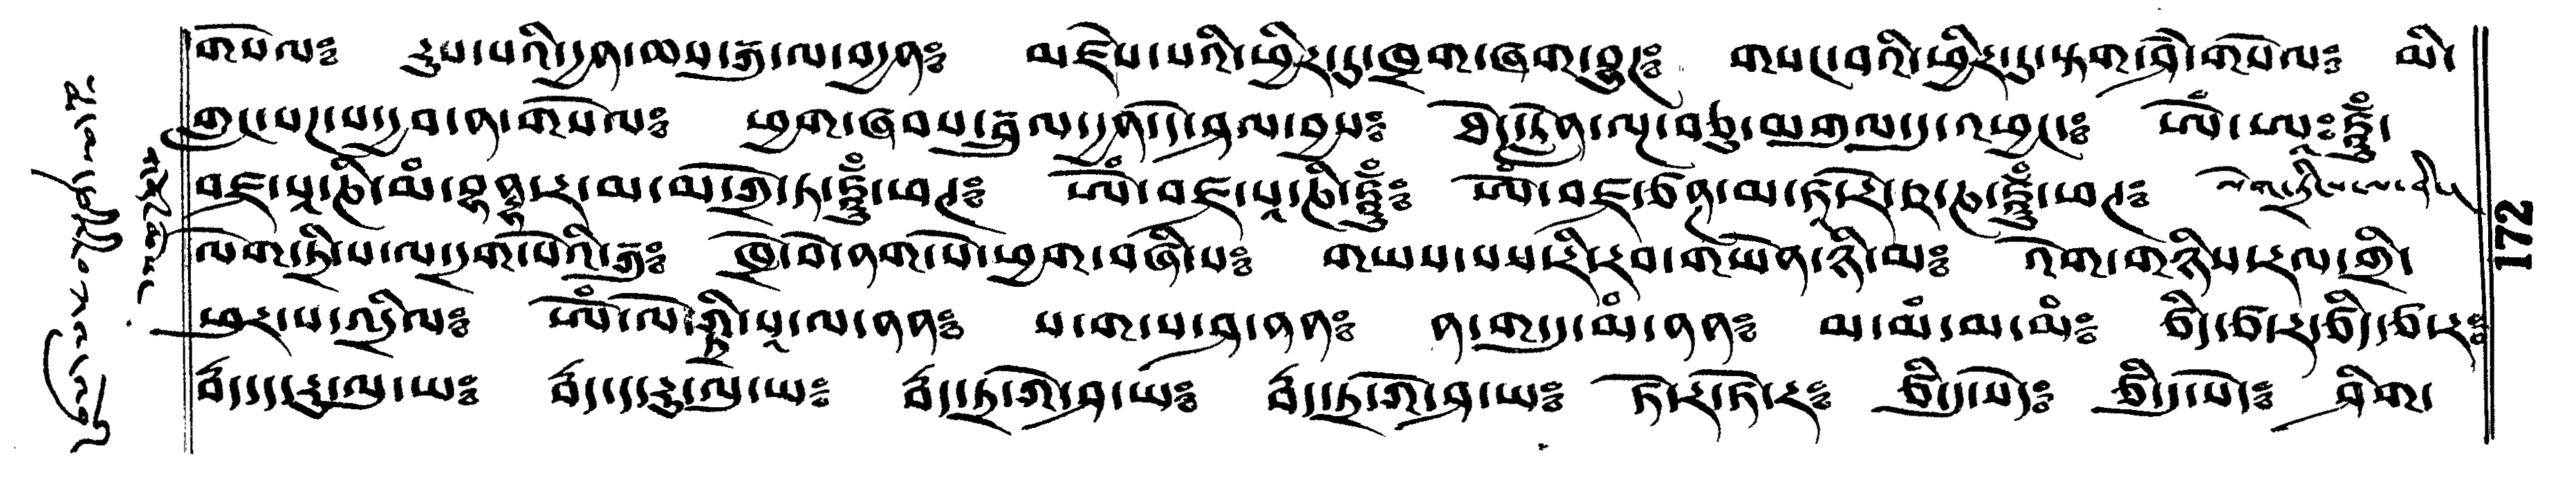གསོལ༔ རུས་པའི་རྒྱན་ཆས་སྐུ་ལ་བརྒྱན༔ མཛེས་པའི་ཕྱིར་དུ་ཁྲག་ཞག་བྱུགས༔ གསང་བའི་ཕྱིར་དུ་སྟག་ཤམ་གསོལ༔ མི་
གླང་པགས་པ་རྒྱབ་ན་གསོལ༔ ཕྱག་ཞབས་སྦྲུལ་རྒྱན་དོ་ཤལ་བྱས༔ ཐོད་རློན་ལྔ་བཅུ་མགུལ་དུ་འཕྱང༔ ཨོཾ་ཨཱཿཧཱུྃ་
བཛྲ་པཱ་ཎི་མཾ་བྷནྡྷ་ར་མ་ན་ཀྲོ་དྷ་ཧཱུྃ་ཕཊ༔ ཨོཾ་བཛྲ་པཱ་ཎི་ཧཱུྃ༔ ཨོཾ་བཛྲ་ཙནྜ་མ་ཧཱ་རོ་ར་ཎ་ཧཱུྃ་ཕཊ༔ ལོག་ཏྲི་པ་ལ་ནི། 
ལོག་ཏྲི་པ་ལ་དྲག་པོའི་སྐུ༔ ཁྲོ་བོ་ནག་པོ་ཕྱག་བཞི་པ༔ གཡས་པས་རི་རབ་གཡོན་ཉི་མ༔ འོག་གཉིས་རལ་གྲི་
ཕུར་པ་འདྲིལ༔ ཨོཾ་ལོཀྟྲྀ་པཱ་ལ་ནན༔ ས་ག་པ་ཤ་ནན༔ ན་ག་དུ་མཾ་ནན༔ མ་མཾ་མ་མཾ༔ ཙིད་ཙ་ར་ཙིད་ཙ་ར༔ 
རྦད་ད་རུ་ལུ་ཡ༔ རྦད་ད་རུ་ལུ་ཡ༔ རྦད་ཏྲ་ཀོ་ཤ་ཡ༔ རྦད་ཏྲ་ཀོ་ཤ་ཡ༔ཧོ་ར་ཧོ་ར༔ ཙི་དུ་སོད༔ ཙི་དུ་སོད༔ ཤིག་